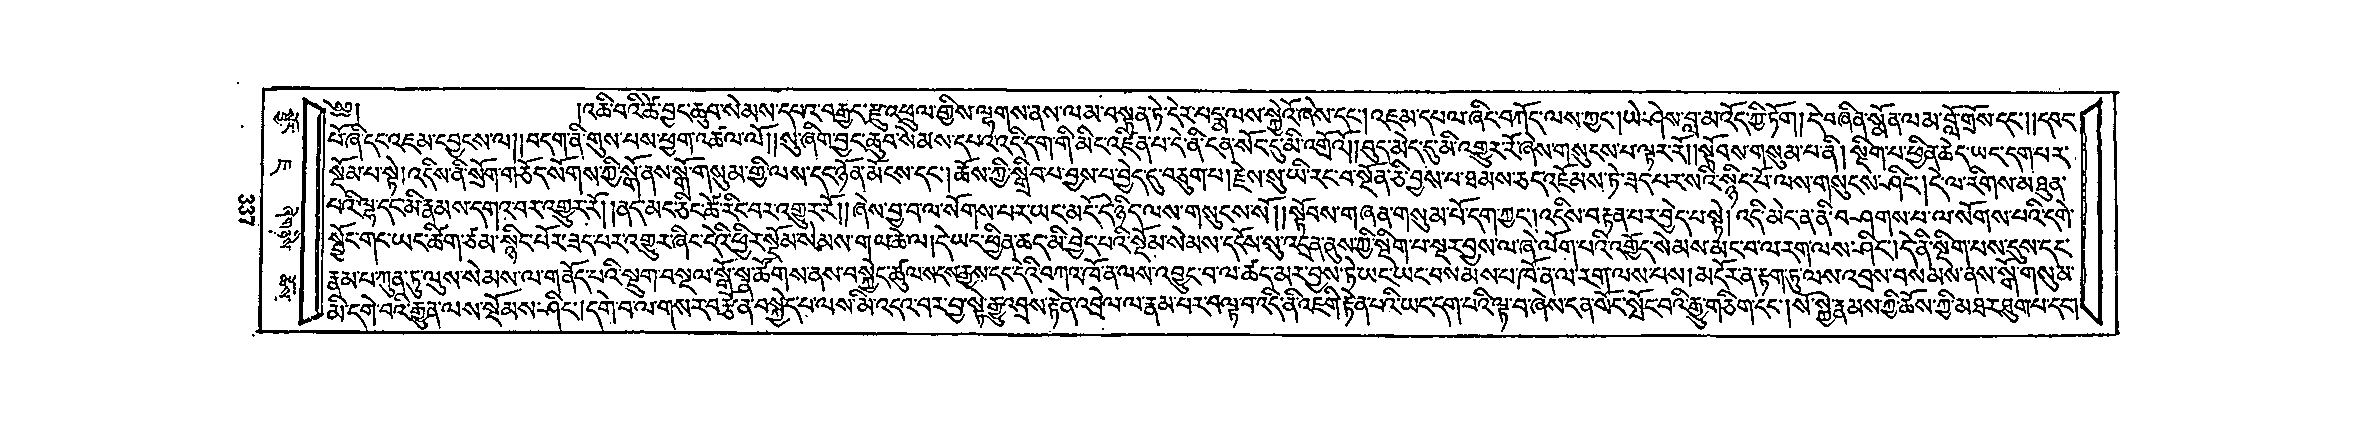༄༅། །འཆི་བའི་ཚེ་བྱང་ཆུབ་སེམས་དཔའ་བརྒྱད་རྫུ་འཕྲུལ་གྱིས་ལྷགས་ནས་ལམ་བསྟན་ཏེ་དེར་པདམ་ལས་སྐྱེའོ་ཞེས་དང་། འཇམ་དཔལ་ཞིང་བཀོད་ལས་ཀྱང་། ཡེ་ཤེས་བླ་མ་འོད་ཀྱི་ཏོག། དེ་བཞིན་སྨོན་ལམ་བློ་གྲོས་དང་། །དབང་
པོ་ཞི་དང་འཇམ་དབྱངས་ལ། །བདག་ནི་གུས་པས་ཕྱག་འཚལ་ལོ། །སུ་ཞིག་བྱང་ཆུབ་སེམས་དཔའ་འདི་དག་གི་མིང་འཛིན་པ་དེ་ནི་ངན་སོང་དུ་མི་འགྲོའོ། །བུད་མེད་དུ་མི་འགྱུར་རོ་ཞེས་གསུངས་པ་ལྟར་རོ། །སྟོབས་གསུམ་པ་ནི། སྡིག་པ་ཕྱིན་ཆེད་ཡང་དག་པར་
སྡོམ་པ་སྟེ། འདིས་ནི་སྲོག་གཅོད་སོགས་ཀྱི་སྒོ་ནས་སྒོ་གསུམ་གྱི་ལས་དང་ཉོན་མོངས་དང་། ཆོས་ཀྱི་སྒྲིབ་པ་བྱས་པ་བྱེད་དུ་བཅུག་པ། རྗེས་སུ་ཡི་རང་བ་སྔོན་ཅི་བྱས་པ་ཐམས་ཅད་འཇོམས་ཏེ་ཟད་པར་སའི་སྙིང་པོ་ལས་གསུངས་ཤིང་། དེ་ལ་རིགས་མཐུན་
པའི་ལྷ་དང་མི་རྣམས་དགའ་བར་འགྱུར་རོ། །ནད་མང་ཅིང་ཚེ་རིང་བར་འགྱུར་རོ། །ཞེས་བྱ་བ་ལ་སོགས་པར་ཡང་མདོ་དེ་ཉིད་ལས་གསུངས་སོ། །སྟོབས་གཞན་གསུམ་པོ་དག་ཀྱང་། འདིས་བརྟན་པར་བྱེད་པ་སྟེ། འདི་མེད་ན་ནི་བཤགས་པ་ལ་སོགས་པའི་དགེ་
སྦྱོང་གང་ཡང་ཚིག་ཙམ་སྙིང་པོར་ཟད་པར་འགྱུར་ཞིང་དེའི་ཕྱིར་སྡོམ་སེམས་གལ་ཆེ་ལ། དེ་ཡང་ཕྱིན་ཆད་མི་བྱེད་པའི་སྡོམ་སེམས་དངོས་སུ་འདྲན་ནུས་ཀྱི་སྡིག་པ་སྡར་བྱས་ལ་ཞེ་ལོག་པའི་འགྱོད་སེམས་མང་བ་ལ་རག་ལས་ཤིང་། དེ་ནི་སྡིག་པས་དུས་དང་
རྣམ་པ་ཀུན་ཏུ་ལུས་སེམས་ལ་གནོད་པའི་སྡུག་བསྔལ་སྒོ་སྣ་ཚོགས་ནས་བསྐྱེད་ཚུལ་སངས་རྒྱས་དང་དེའི་བཀའ་ཁོ་ན་ལས་འབྱུང་བ་ལ་ཚད་མར་བྱས་ཏེ་ཡང་ཡང་བསམས་པ་ཁོ་ན་ལ་རག་ལས་པས། མདོར་ན་རྟག་ཏུ་ལས་འབྲས་བསམས་ནས་སྒོ་གསུམ་
མི་དགེ་བའི་རྒྱུན་ལས་སྡོམས་ཤིང་། དགེ་བ་ལ་གསར་བརྩོན་བསྐྱེད་པ་ལས་མི་འདའ་བར་བྱ་སྟེ་རྒྱུ་འབྲས་རྟེན་འབྲེལ་ལ་རྣམ་པར་བལྟ་བ་འདི་ནི་འཇིག་རྟེན་པའི་ཡང་དག་པའི་ལྟ་བ་ཞེས་ངན་སོང་སྤོང་བའི་རྒྱུ་གཅིག་དང་། སོ་སྐྱེ་རྣམས་ཀྱི་ཆོས་ཀྱི་མཐར་ཐུག་པ་དང་།